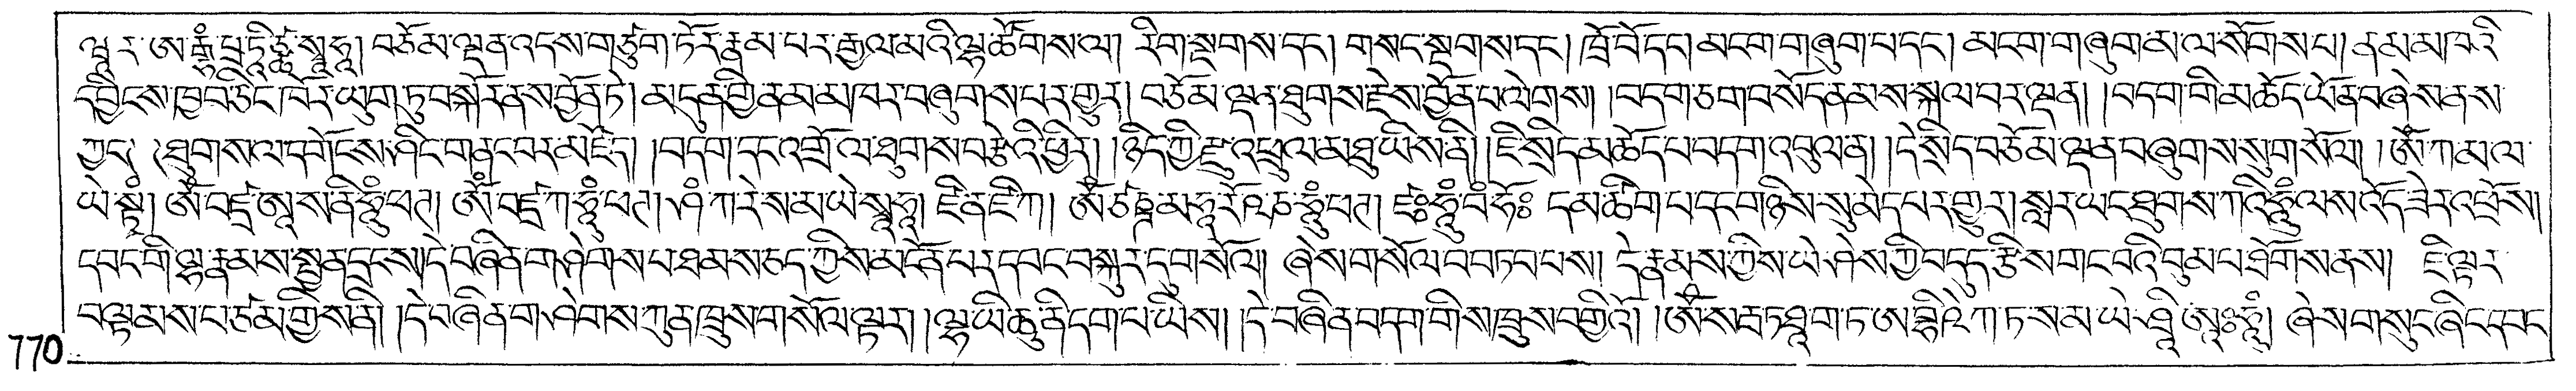ཝཱ་ར་ཨརྒྷཾ་པྲ་ཏཱི་ཙྪ་སྭཱཧཱ། བཅོམ་ལྡན་འདས་གཙུག་ཏོར་རྣམ་པར་རྒྱལ་མའི་ལྷ་ཚོགས་ལ། རིག་སྔགས་དང་། གསང་སྔགས་དང་། ཁྲོ་བོ་དང་། མངག་གཞུག་པ་དང་། མངག་གཞུག་མ་ལ་སོགས་པ། ནམ་མཁའི་
དབྱིངས་ཁྱབ་ཅིང་ཁོར་ཡུག་ཏུ་བསྐོར་ནས་བྱོན་ཏེ། མདུན་གྱི་ནམ་མཁར་བཞུགས་པར་གྱུར། བཅོམ་ལྡན་ཐུགས་རྗེས་བྱོན་པ་ལེགས། བདག་ཅག་བསོད་ནམས་སྐལ་བར་ལྡན། །བདག་གི་མཆོད་ཡོན་བཞེས་ནས་
ཀྱང༑ ༑ཐུགས་ལ་དགོངས་ཤིང་གནང་བར་མཛོད། །བདག་དང་འགྲོ་ལ་ཐུགས་བརྩེའི་ཕྱིར། །ཉིད་ཀྱི་རྫུ་འཕྲུལ་མཐུ་ཡིས་ནི། །ཇི་སྲིད་མཆོད་པ་བདག་འབུལ་ན། །དེ་སྲིད་བཅོམ་ལྡན་བཞུགས་སུ་གསོལ། །ཨོཾ་ཀ་མ་ལ་
ཡེ་སྟྭཾ། ཨོཾ་བཛྲ་ཨཱ་ས་ནི་ཧཱུཾ་ཕཊ། ཨོཾ་བཛྲ་ཀ་ཧཱུཾ་ཕཊ། ཤཾ་ཀ་རེ་ས་མ་ཡེ་སྭཱཧཱ། ཛི་ན་ཛི་ཀ། ཨོཾ་ཙཎྚཱ་མཧཱ་རོ་ཥ་ཎ་ཧཱུཾ་ཕཊ། ཛཿ ཧཱུཾ་བཾ་ཧོཿ དམ་ཚིག་པ་དང་གཉིས་སུ་མེད་པར་གྱུར། སླར་ཡང་ཐུགས་ཀའི་ཧཱུཾ་ལས་འོད་ཟེར་འཕྲོས།
དབང་གི་ལྷ་རྣམས་སྤྱན་དྲངས། དེ་བཞིན་གཤེགས་པ་ཐམས་ཅད་ཀྱིས་མངོན་པར་དབང་བསྐུར་དུ་གསོལ། ཞེས་གསོལ་བ་བཏབ་པས། དེ་རྣམས་ཀྱིས་ཡེ་ཤེས་ཀྱི་བདུད་རྩིས་གང་བའི་བུམ་པ་ཐོགས་ནས། ཇི་ལྟར་
བལྟམས་པ་ཙམ་གྱིས་ནི། །དེ་བཞིན་གཤེགས་ཀུན་ཁྲུས་གསོལ་ལྟར། །ལྷ་ཡི་ཆུ་ནི་དག་པ་ཡིས། །དེ་བཞིན་བདག་གིས་ཁྲུས་བགྱིའོ། །ཨོཾ་སརྦ་ཏ་ཐཱ་ག་ཏ་ཨ་བྷི་ཥེ་ཀ་ཏ་ས་མ་ཡེ་ཤྲཱི་ཨཱཿ ཧཱུཾ། ཞེས་གསུང་ཞིང་དབང་